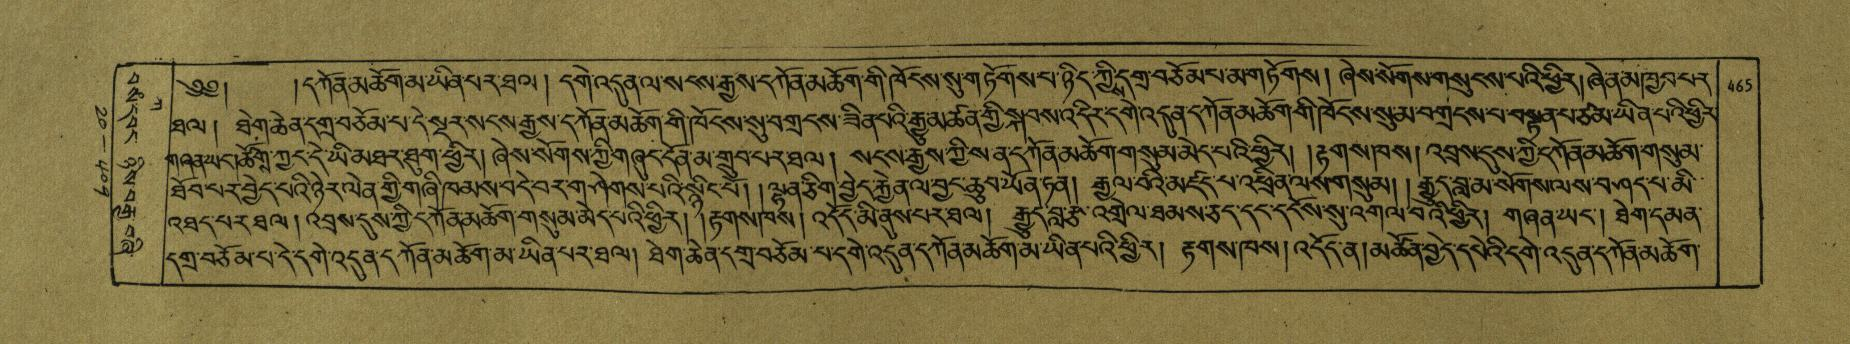༄༅། །དཀོན་མཆོག་མ་ཡིན་པར་ཐལ། དགེ་འདུན་ལ་སངས་རྒྱས་དཀོན་མཆོག་གི་ཁོངས་སུ་གཏོགས་པ་ཉིད་ཀྱིས་དགྲ་བཅོམ་པ་མ་གཏོགས། ཞེས་སོགས་གསུངས་པའི་ཕྱིར། ཞེ་ན་མཁྱབ་པར་
ཐལ། ཐེག་ཆེན་དགྲ་བཅོམ་པ་དེ་སྔར་སངས་རྒྱས་དཀོན་མཆོག་གི་ཁོངས་སུ་བགྲངས་ཟིན་པའི་རྒྱུ་མཚན་གྱི་སྐབས་འདིར་དགེ་འདུན་དཀོན་མཆོག་གི་ཁོངས་སུ་མ་བགྲངས་པ་བསྟན་པ་ཙམ་ཡིན་པའི་ཕྱིར་
གཞན་ཡང་། ཚོགས་ཀྱང་དེ་ཡི་མཐར་ཐུག་ཕྱིར། ཞེས་སོགས་ཀྱི་གཞུང་དོན་མ་གྲུབ་པར་ཐལ། སངས་རྒྱས་ཀྱི་ས་ན་དཀོན་མཆོག་གསུམ་མེད་པའི་ཕྱིར། །རྟགས་ཁས། འབྲས་དུས་ཀྱི་དཀོན་མཆོག་གསུམ་
ཐོབ་པར་བྱེད་པའི་ཉེར་ལེན་གྱི་གཞི་ཁམས་བདེ་བར་གཤེགས་པའི་སྙིང་པོ། །ལྷན་ཅིག་བྱེད་རྐྱེན་ལ་བྱང་ཆུབ་ཡོན་ཏན། རྒྱལ་བའི་མཛད་པ་འཕྲིན་ལས་གསུམ། །རྒྱུད་བླ་མ་སོགས་ལས་བཤད་པ་མི་
འཐད་པར་ཐལ། འབྲས་དུས་ཀྱི་དཀོན་མཆོག་གསུམ་མེད་པའི་ཕྱིར། །རྟགས་ཁས། འདོད་མི་ནུས་པར་ཐལ། རྒྱུད་བླ་རྩ་འགྲེལ་ཐམས་ཅད་དང་དངོས་སུ་འགལ་བའི་ཕྱིར། གཞན་ཡང་། ཐེག་དམན་
དགྲ་བཅོམ་པ་དེ་དགེ་འདུན་དཀོན་མཆོག་མ་ཡིན་པར་ཐལ། ཐེག་ཆེན་དགྲ་བཅོམ་པ་དགེ་འདུན་དཀོན་མཆོག་མ་ཡིན་པའི་ཕྱིར། རྟགས་ཁས། འདོད་ན། མཚོན་བྱེད་དཔེའི་དགེ་འདུན་དཀོན་མཆོག་